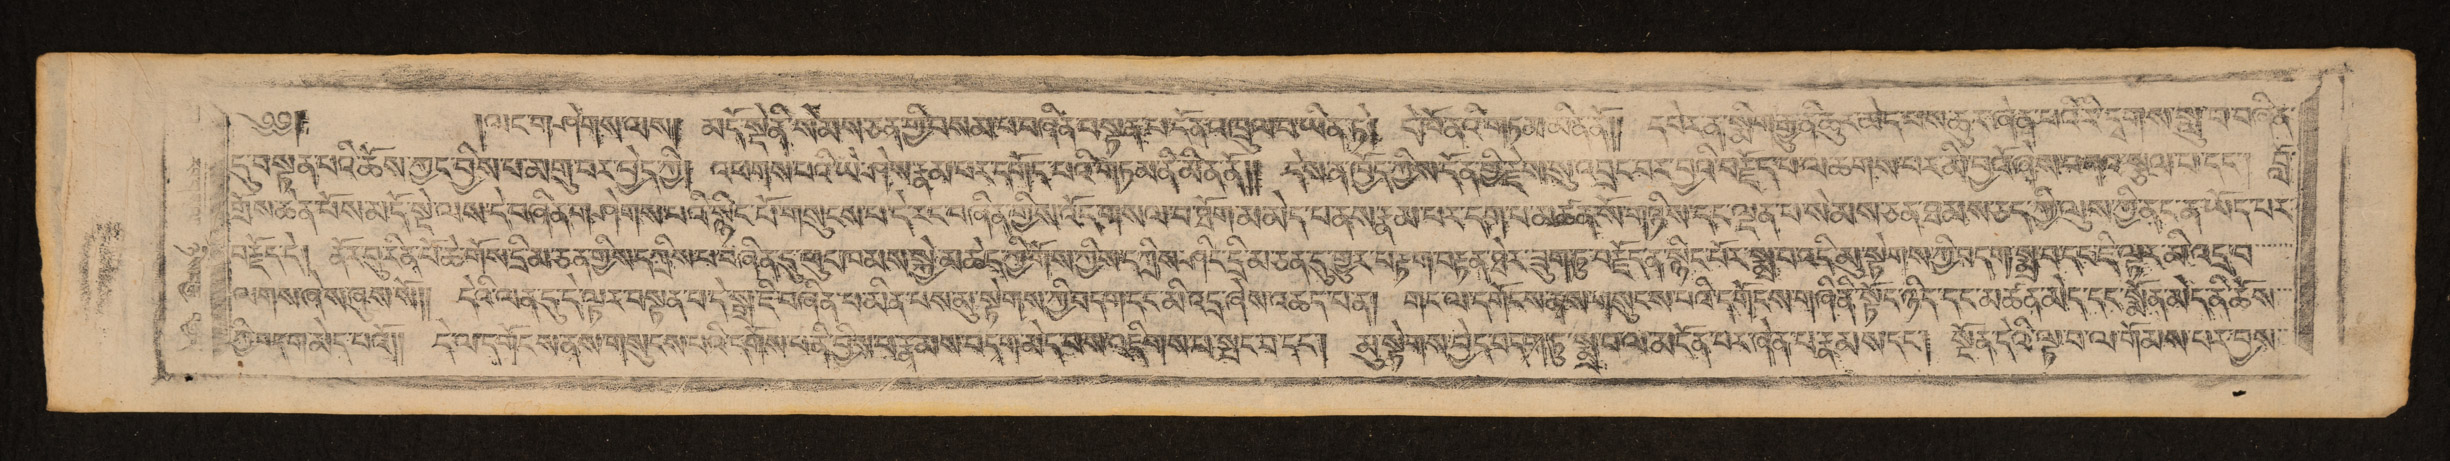༄༅། །ལང་གཤེགས་ལས། མདོ་སྡེ་ནི་སེམས་ཅན་གྱི་བསམ་པ་བཞིན་བསྟན་པ་དོན་འཁྲུལ་བ་ཡིན་ཏེ། དེ་ཁོ་ནའི་གཏམ་མིན་ནོ།། དཔེར་ན་སྨིག་རྒྱུ་ནི་ཆུར་མེད་པས་ཆུར་ཞེན་པའི་རི་དྭགས་སླུ་བ་བཞིན་
དུ་བསྟན་པའི་ཆོས་ཀྱང་བྱིས་པ་མགུ་བར་བྱེད་ཀྱི། འཕགས་པའི་ཡེ་ཤེས་རྣམ་པར་དགོད་པའི་གཏམ་ནི་མིན་ནོ།། དེས་ན་ཁྱོད་ཀྱིས་དོན་གྱི་རྗེས་སུ་འབྲང་བར་བྱའི་བརྗོད་པ་ལ་ཆགས་པར་མི་བྱའོ་ཞེས་བཀའ་སྩལ་པ་དང་། བློ་
གྲོས་ཆེན་པོས་མདོ་སྡེ་ལས་དེ་བཞིན་གཤེགས་པའི་སྙིང་པོ་གསུངས་པ་དེ་རང་བཞིན་གྱིས་འོད་གསལ་བ་ཐོག་མ་མེད་པ་ནས་རྣམ་པར་དག་པ་མཚན་སོ་གཉིས་དང་ལྡན་པ་སེམས་ཅན་ཐམས་ཅད་ཀྱི་ལུས་ཀྱི་ནང་ན་ཡོད་པར་
བརྗོད་དེ། །ནོར་བུ་རིན་པོ་ཆེ་གོས་དྲི་མ་ཅན་གྱིས་དཀྲིས་པ་བཞིན་དུ་ཕུང་ཁམས་སྐྱེ་མཆེད་ཀྱི་གོས་ཀྱིས་དཀྲིས་ཤིང་དྲི་མ་ཅན་དུ་གྱུར་པ་རྟག་བརྟན་ཐེར་ཟུག་ཏུ་བརྗོད་ན་སྙིང་པོར་སྨྲ་བ་འདི་མུ་སྟེགས་ཀྱི་བདག་སྨྲ་བ་དང་ཇི་ལྟར་མི་འདྲ་བ་
ལགས་ཞེས་ཞུས་སོ།། དེའི་ལན་དུ་དེ་ལྟར་བསྟན་པ་དེ་སྒྲ་ཇི་བཞིན་པ་མིན་པས་མུ་སྟེགས་ཀྱི་བདག་དང་མི་འདྲ་ཞེས་འཆད་པ་ན། གང་ལ་དགོངས་ནས་གསུངས་པའི་དགོངས་གཞི་ནི་སྟོང་ཉིད་དང་མཚན་མེད་དང་སྨོན་མེད་ནི་ཆོས་
ཀྱི་བདག་མེད་པའོ།། དེ་ལ་དགོངས་ནས་གསུངས་པའི་དགོས་པ་ནི་བྱིས་པ་རྣམས་བདག་མེད་པས་འཇིགས་པ་སྤང་བ་དང་། མུ་སྟེགས་བྱེད་བདག་ཏུ་སྨྲ་བ་ལ་མངོན་པར་ཞེན་པ་རྣམས་དང་། སྔོན་དེའི་ལྟ་བ་ལ་གོམས་པར་བྱས་